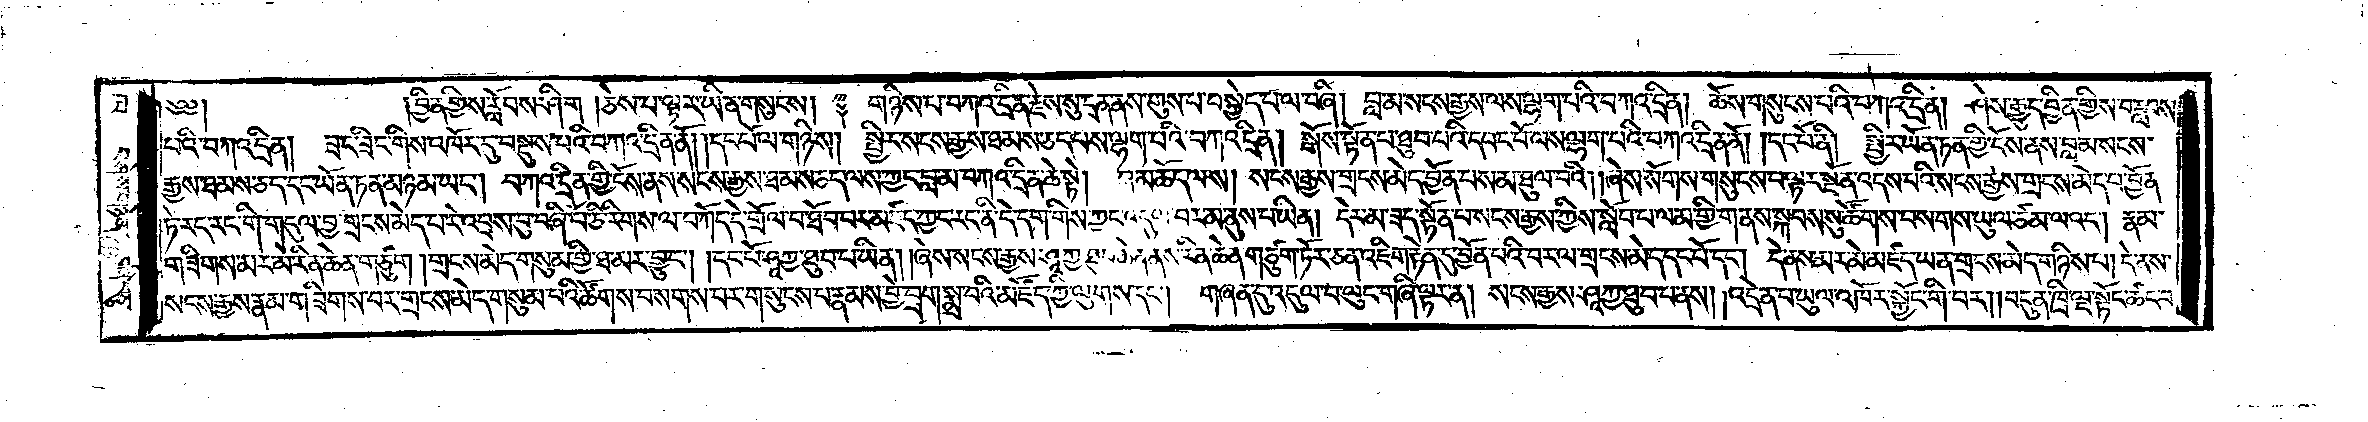༄༅། །བྱིན་གྱིས་རློབས་ཤིག །ཅེས་པ་ལྟར་ཡིན་གསུངས། ༈ གཉིས་པ་བཀའ་དྲིན་རྗེས་སུ་དྲན་ནས་གུས་པ་བསྐྱེད་པ་ལ་བཞི། བླ་མ་སངས་རྒྱས་ལས་ལྷག་པའི་བཀའ་དྲིན། ཆོས་གསུངས་པའི་བཀའ་དྲིན། ཤེས་རྒྱུད་བྱིན་གྱིས་བརླབས་
པའི་བཀའ་དྲིན། ཟང་ཟིང་གིས་འཁོར་དུ་བསྡུས་པའི་བཀའ་དྲིན་ནོ། །དང་པོ་ལ་གཉིས། སྤྱིར་སངས་རྒྱས་ཐམས་ཅད་པས་ལྷག་པའི་བཀའ་དྲིན། སྒོས་སྟོན་པ་ཐུབ་པའི་དབང་པོ་ལས་ལྷག་པའི་བཀའ་དྲིན་ནོ། །དང་པོ་ནི། སྤྱིར་ཡོན་ཏན་གྱི་ངོས་ནས་བླ་མ་སངས་
རྒྱས་ཐམས་ཅད་དང་ཡོན་ཏན་མཉམ་ཡང་། བཀའ་དྲིན་གྱི་ངོས་ནས་སངས་རྒྱས་ཐམས་ཅད་ལས་ཀྱང་བླ་མ་བཀའ་དྲིན་ཆེ་སྟེ། བླ་མཆོད་ལས། སངས་རྒྱས་གྲངས་མེད་བྱོན་བསམ་ཐུལ་བའི། །ཞེས་སོགས་གསུངས་པ་ལྟར་སྔོན་འདས་པའི་སངས་རྒྱས་གྲངས་མེད་པ་བྱོན་
ཏེ་རང་རང་གི་གདུལ་བྱ་གྲངས་མེད་པ་རེ་འབྲས་བུ་བཞི་པོ་ཅི་རིགས་ལ་བཀོད་དེ་གྲོལ་བ་ཐོབ་པར་མཛད་ཀྱང་རང་ནི་དེ་དག་གིས་ཀྱང་འདུལ་བར་མ་ནུས་པ་ཡིན། དེར་མ་ཟད་སྟོན་པ་སངས་རྒྱས་ཀྱིས་སློབ་པ་ལམ་གྱི་གནས་སྐབས་སུ་ཚོགས་བསགས་ཡུལ་ཙམ་ལའང་། རྣམ་
གཟིགས་མར་མེ་རིན་ཆེན་གཙུག །གྲངས་མེད་གསུམ་གྱི་ཐ་མར་བྱུང་། །དང་པོ་ཤཱཀྱ་ཐུབ་པ་ཡིན། །ཞེས་སངས་རྒྱས་ཤཱཀྱ་ཐུབ་ཆེན་ནས་རིན་ཆེན་གཙུག་ཏོར་ཅན་འཇིག་རྟེན་དུ་བྱོན་པའི་བར་ལ་གྲངས་མེད་དང་པོ་དང་། དེ་ནས་མར་མེ་མཛད་ཡན་གྲངས་མེད་གཉིས་པ། དེ་ནས་
སངས་རྒྱས་རྣམ་གཟིགས་བར་གྲངས་མེད་གསུམ་པའི་ཚོགས་བསགས་པར་གསུངས་པ་རྣམས་བྱེ་བྲག་སྨྲ་བའི་མཛོད་ཀྱི་ལུགས་དང་། གཞན་དུ་འདུལ་བ་ལུང་གཞི་ལྟར་ན། སངས་རྒྱས་ཤཱཀྱ་ཐུབ་པ་ནས། །འདྲེན་པ་ཡུལ་འཁོར་སྐྱོང་གི་བར། །བདུན་ཁྲི་ལྔ་སྟོང་ཚང་བ་